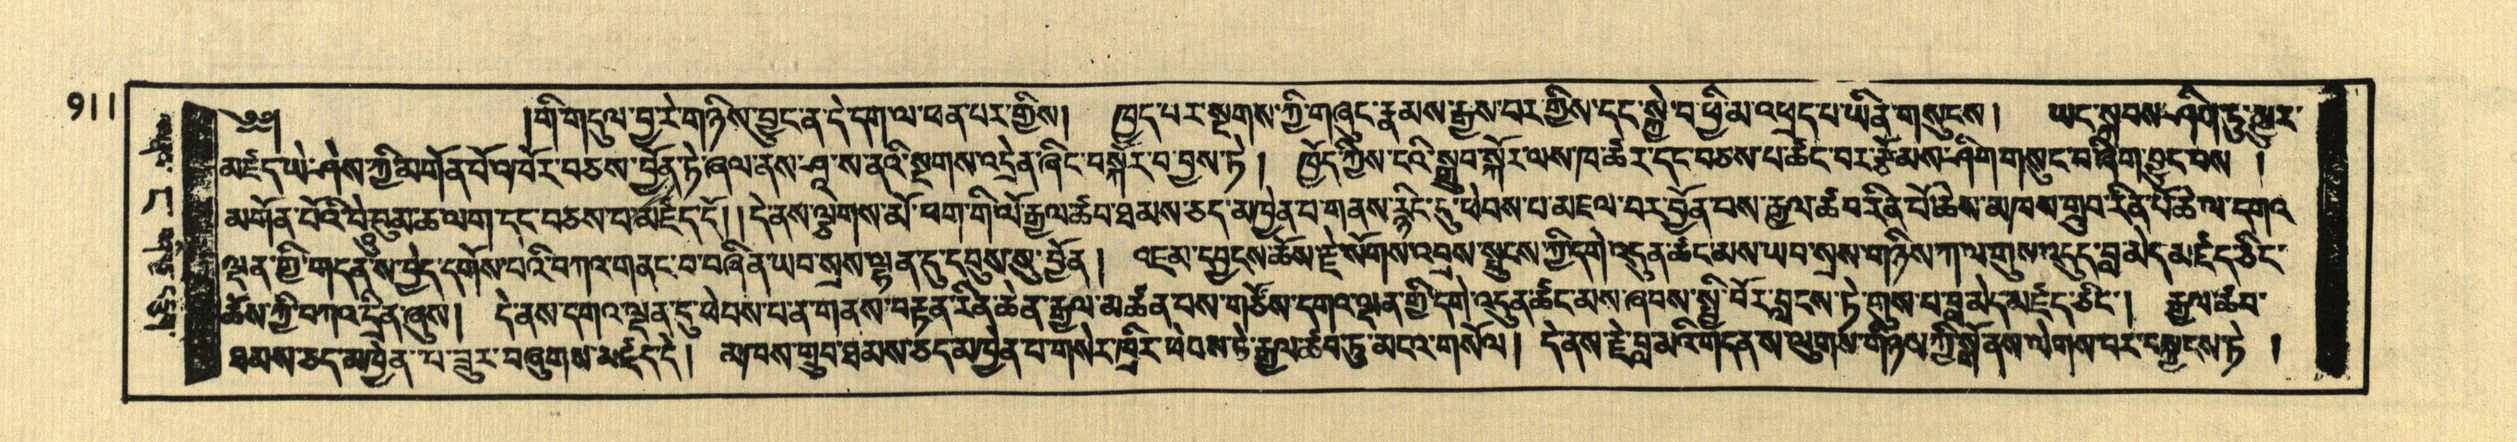༄༅། །གི་གདུལ་བྱ་རེ་གཉིས་བྱུང་ན་དེ་དག་ལ་ཕན་པར་གྱིས། ཁྱད་པར་སྔགས་ཀྱི་གཞུང་རྣམས་རྒྱས་བར་གྱིས་དང་སྐྱེ་བ་ཕྱི་མ་འཕྲད་པ་ཡིན་གསུངས། ཡང་སྐབས་ཤིག་ཏུ་མྱུར་
མཛད་ཡེ་ཤེས་ཀྱི་མགོན་པོ་འཁོར་བཅས་བྱོན་ཏེ་ཞལ་ནས་ཤཱ་ས་ནའི་སྔགས་འདྲེན་ཞིང་བསྐོར་བ་བྱས་ཏེ། ཁྱོད་ཀྱིས་ངའི་སྒྲུབ་སྐོར་ལས་ཁ་ཚར་དང་བཅས་པ་ཚང་བར་རྩོམས་ཤིག་གསུང་བ་ཞིག་བྱུང་བས་།
མགོན་པོའི་བེའུཾ་བུམ་ཆ་ལག་དང་བཅས་བ་མཛད་དོ། །དེ་ནས་ལྕགས་མོ་ཕག་གི་ལོ་རྒྱལ་ཚབ་ཐམས་ཅད་མཁྱེན་བ་གནས་རྙིང་དུ་ཕེབས་པ་མཇལ་བར་བྱོན་བས་རྒྱལ་ཚབ་རིན་པོ་ཆེས་མཁས་གྲུབ་རིན་པོ་ཆེ་ལ་དགའ་
ལྡན་གྱི་གདན་ས་བྱེད་དགོས་པའི་བཀའ་གནང་བ་བཞིན་ཡབ་སྲས་ལྷན་དུ་དབུས་སུ་བྱོན། འཇམ་དབྱངས་ཆོས་རྗེ་སོགས་འབྲས་སྤུངས་ཀྱི་དགེ་འདུན་ཚང་མས་ཡབ་སྲས་གཉིས་ཀ་ལ་གུས་འདུད་བླ་མེད་མཛད་ཅིང་
ཆོས་ཀྱི་བཀའ་དྲིན་ཞུས། དེ་ནས་དགའ་ལྡན་དུ་ཕེབས་པ་ན་གནས་བརྟན་རིན་ཆེན་རྒྱལ་མཚན་བས་གཙོས་དགའ་ལྡན་གྱི་དགེ་འདུན་ཚང་མས་ཞབས་སྤྱི་བོར་བླངས་ཏེ་གུས་པ་བླ་མེད་མཛད་ཅིང་། རྒྱལ་ཚབ་
ཐམས་ཅད་མཁྱེན་པ་ཟུར་བཞུགས་མཛད་དེ། མཁས་གྲུབ་ཐམས་ཅད་མཁྱེན་པ་གསེར་ཁྲིར་ཕེབས་ཏེ་རྒྱལ་ཚབ་ཏུ་མངའ་གསོལ། དེ་ནས་རྗེ་བླ་མའི་གདན་ས་ལུགས་གཉིས་ཀྱི་སྒོ་ནས་ལེགས་བར་བསྐྱངས་ཏེ།